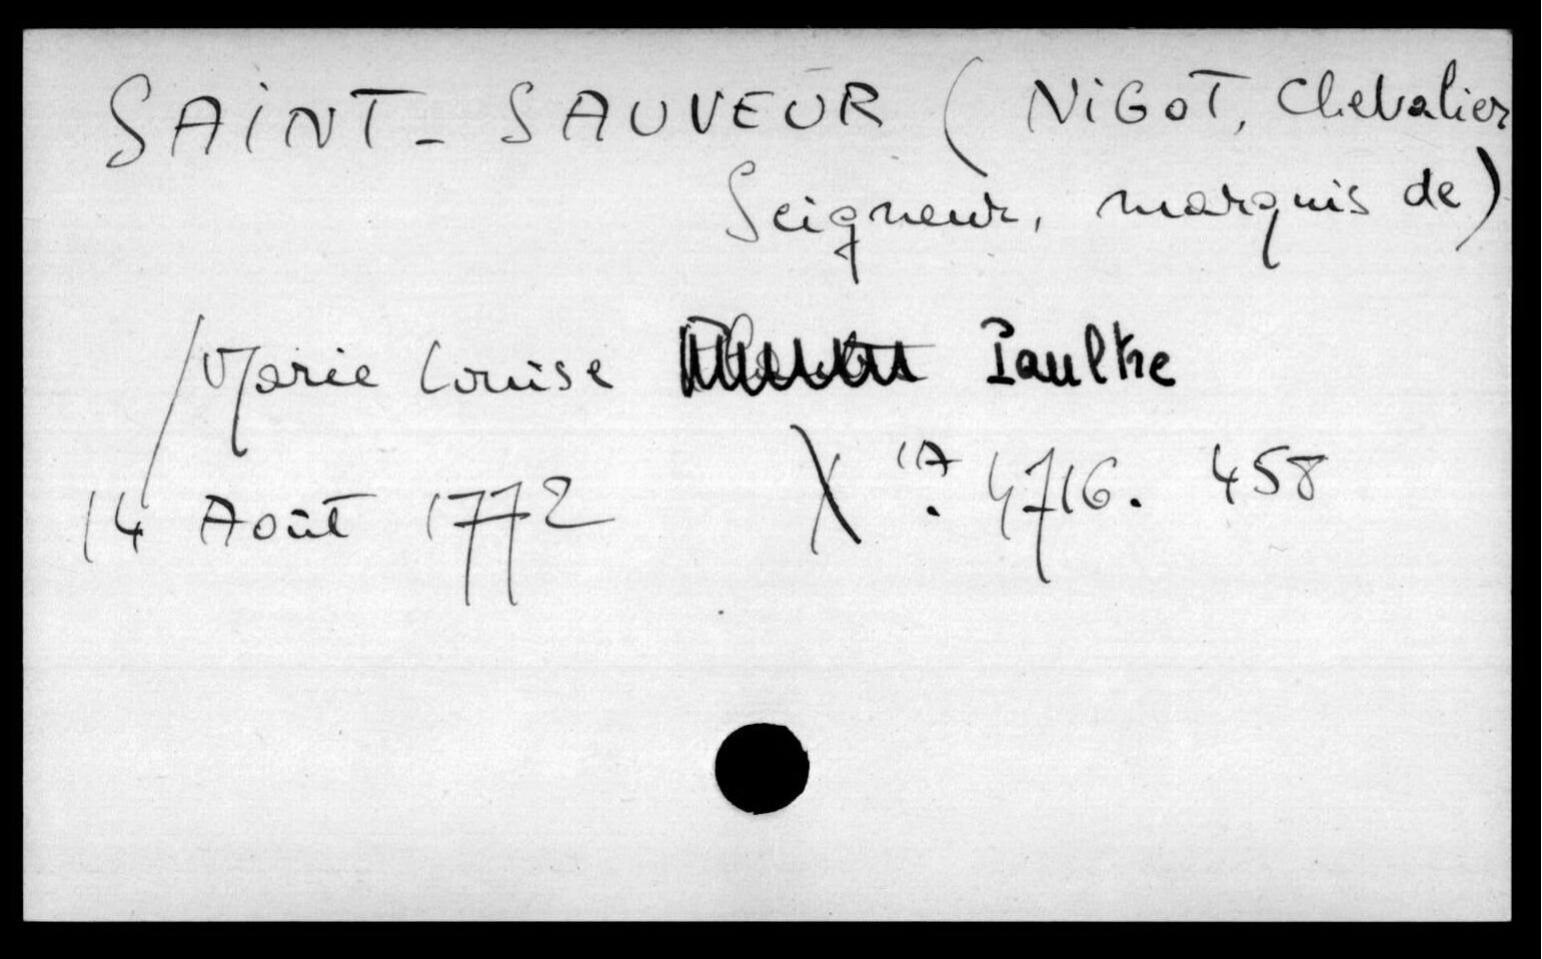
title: SAINT-SAUVEUR (Nigot, chevalier seigneur, marquis de)
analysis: Contre Varie Louise Paultre
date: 14 août 1772
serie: X1A
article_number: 4716
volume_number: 458
